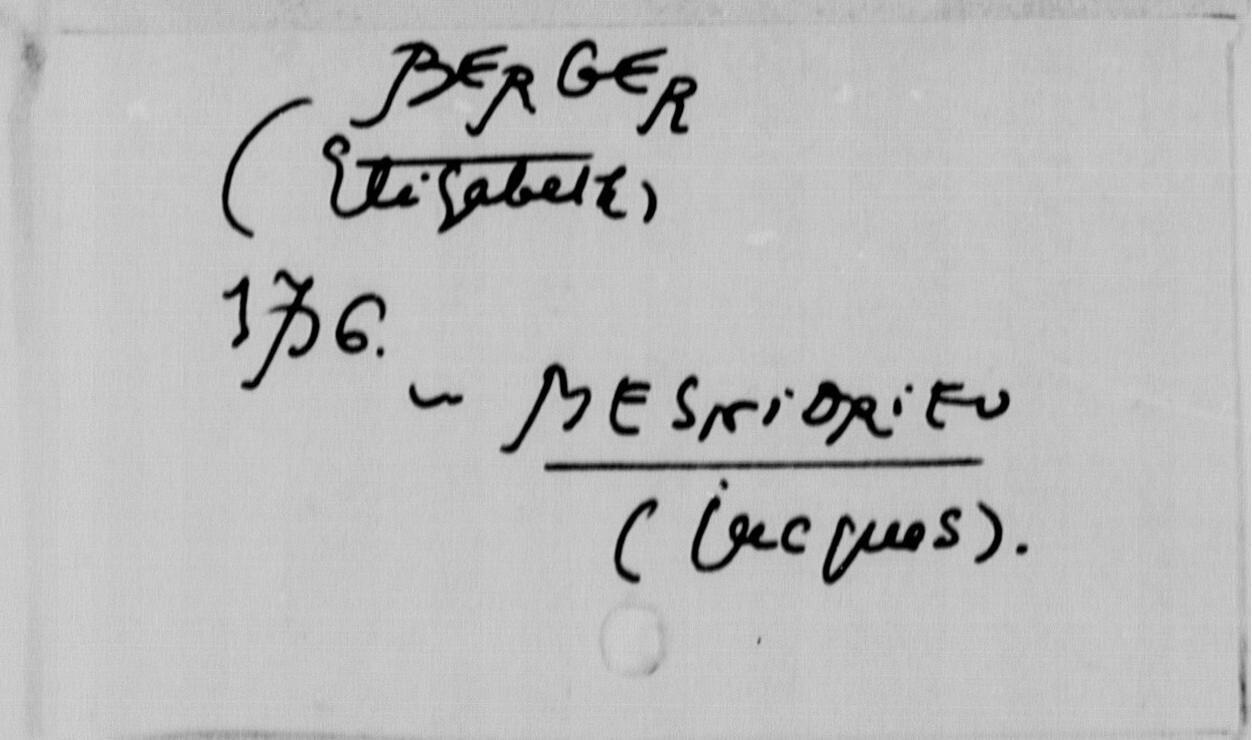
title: BERGER (Élisabeth)
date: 1706
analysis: Voir Mesnidrieu (Jacques)
